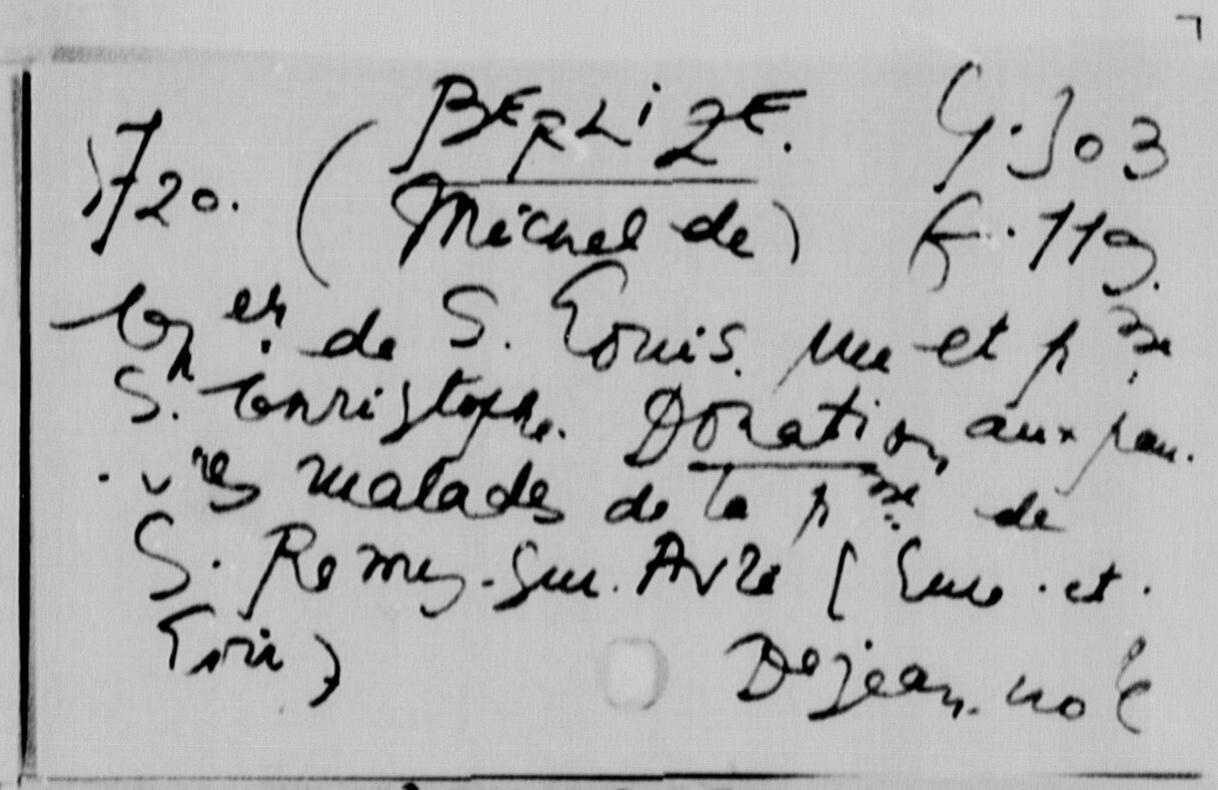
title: BERLIZE (Michel de)
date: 1720
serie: Y
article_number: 303
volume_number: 119
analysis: Chevalier de Saint-Louis, rue et paroisse Saint-Christophe. Donation aux pauvres malades de la paroisse de Saint-Rémy,-sur-Avre (Eure-et-Loir) Dejean, notaire
